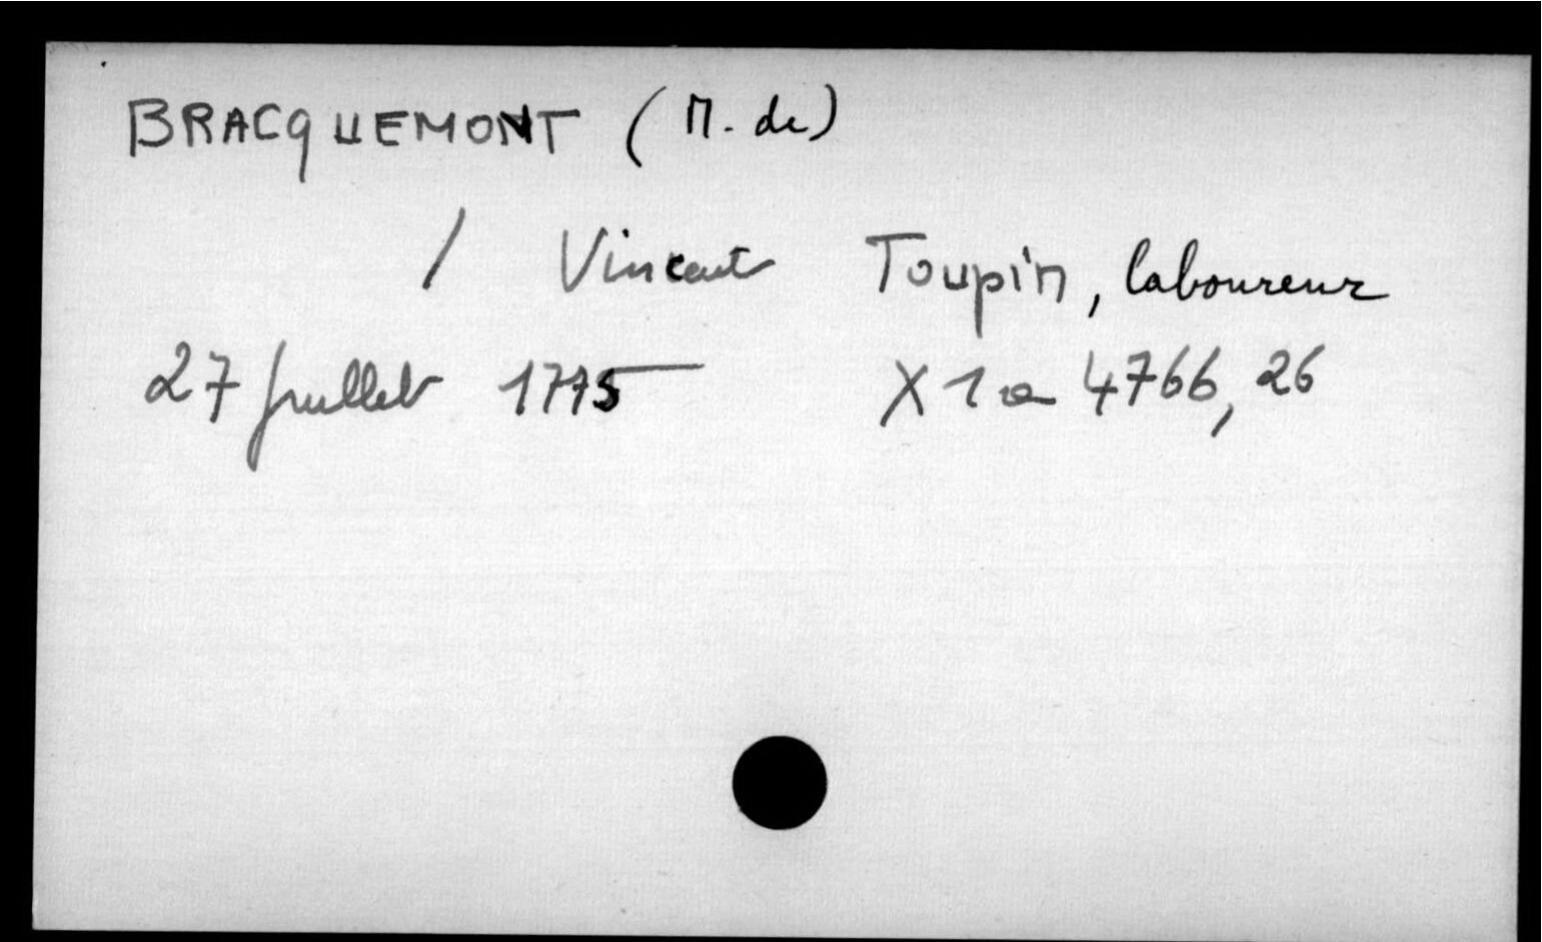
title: BRACQUEMONT (M. de)
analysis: Contre Vincent Toupin, laboureur
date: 27 juillet 1775
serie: X1A
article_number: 4766
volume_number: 26
